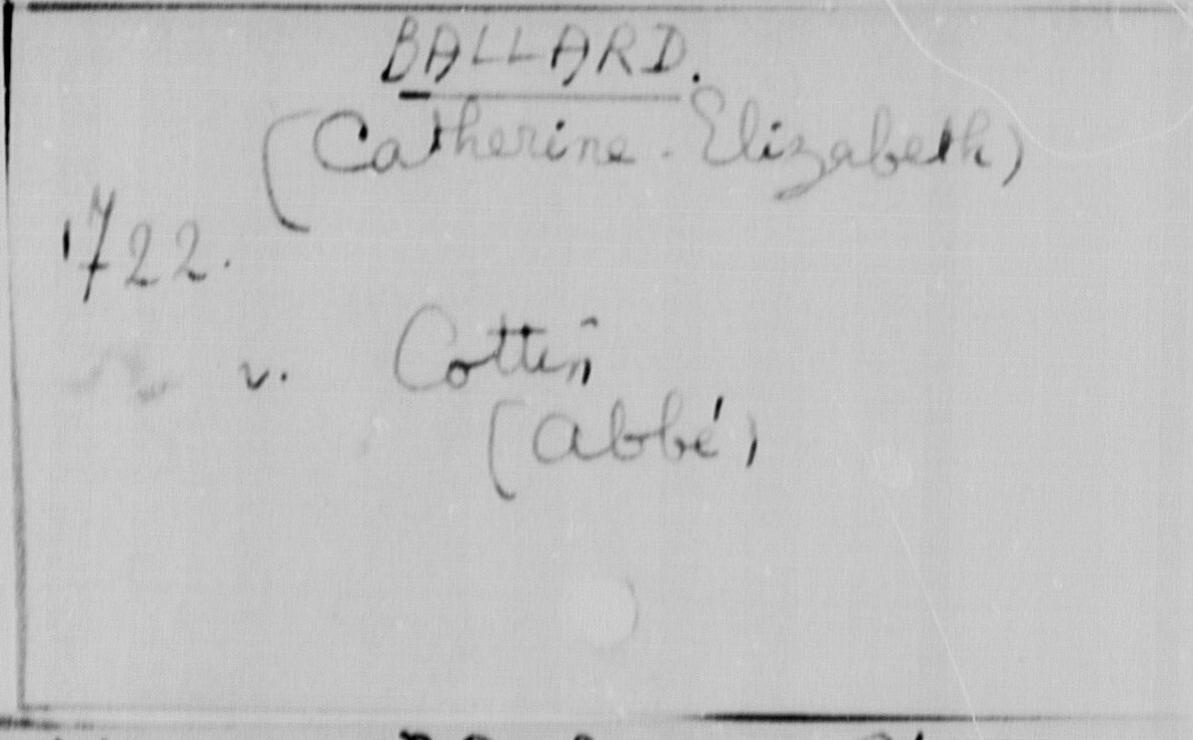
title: BALLARD (Catherine-Elizabeth)
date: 1722
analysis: Voir Cottin (Abbé)
